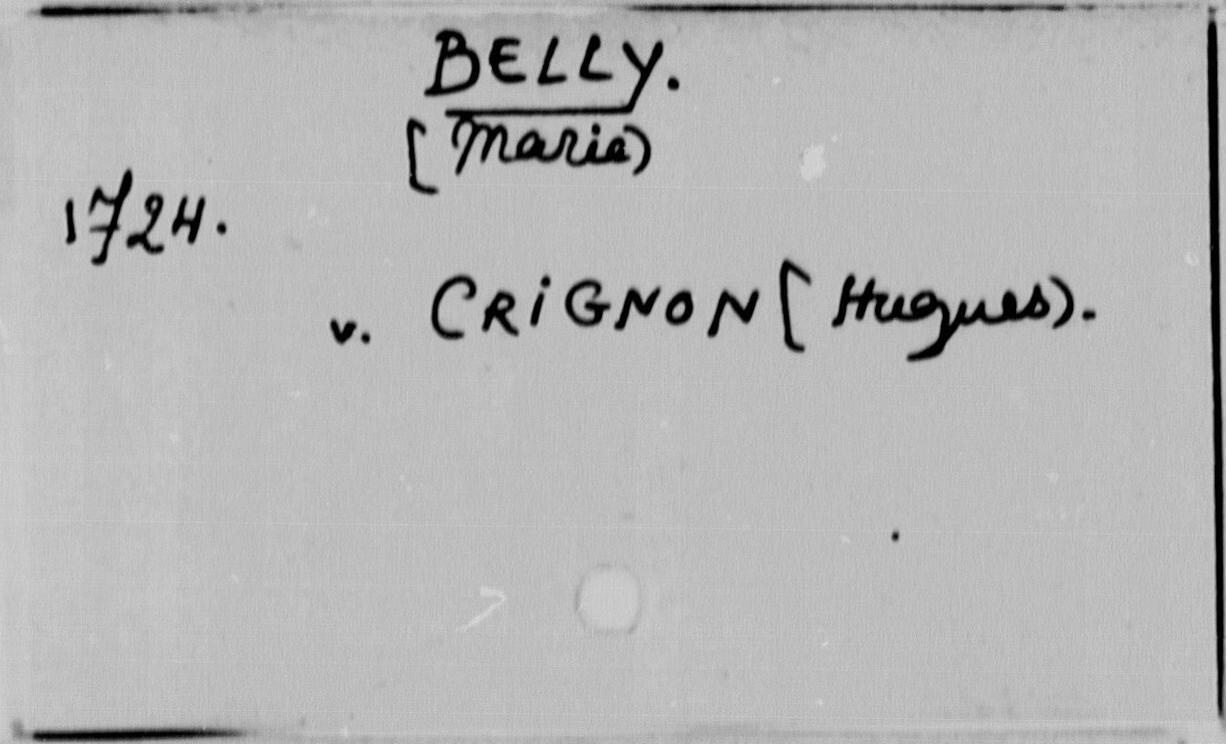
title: BELLY (Marie)
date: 1724
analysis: Voir CRIGNON (Hugues)
